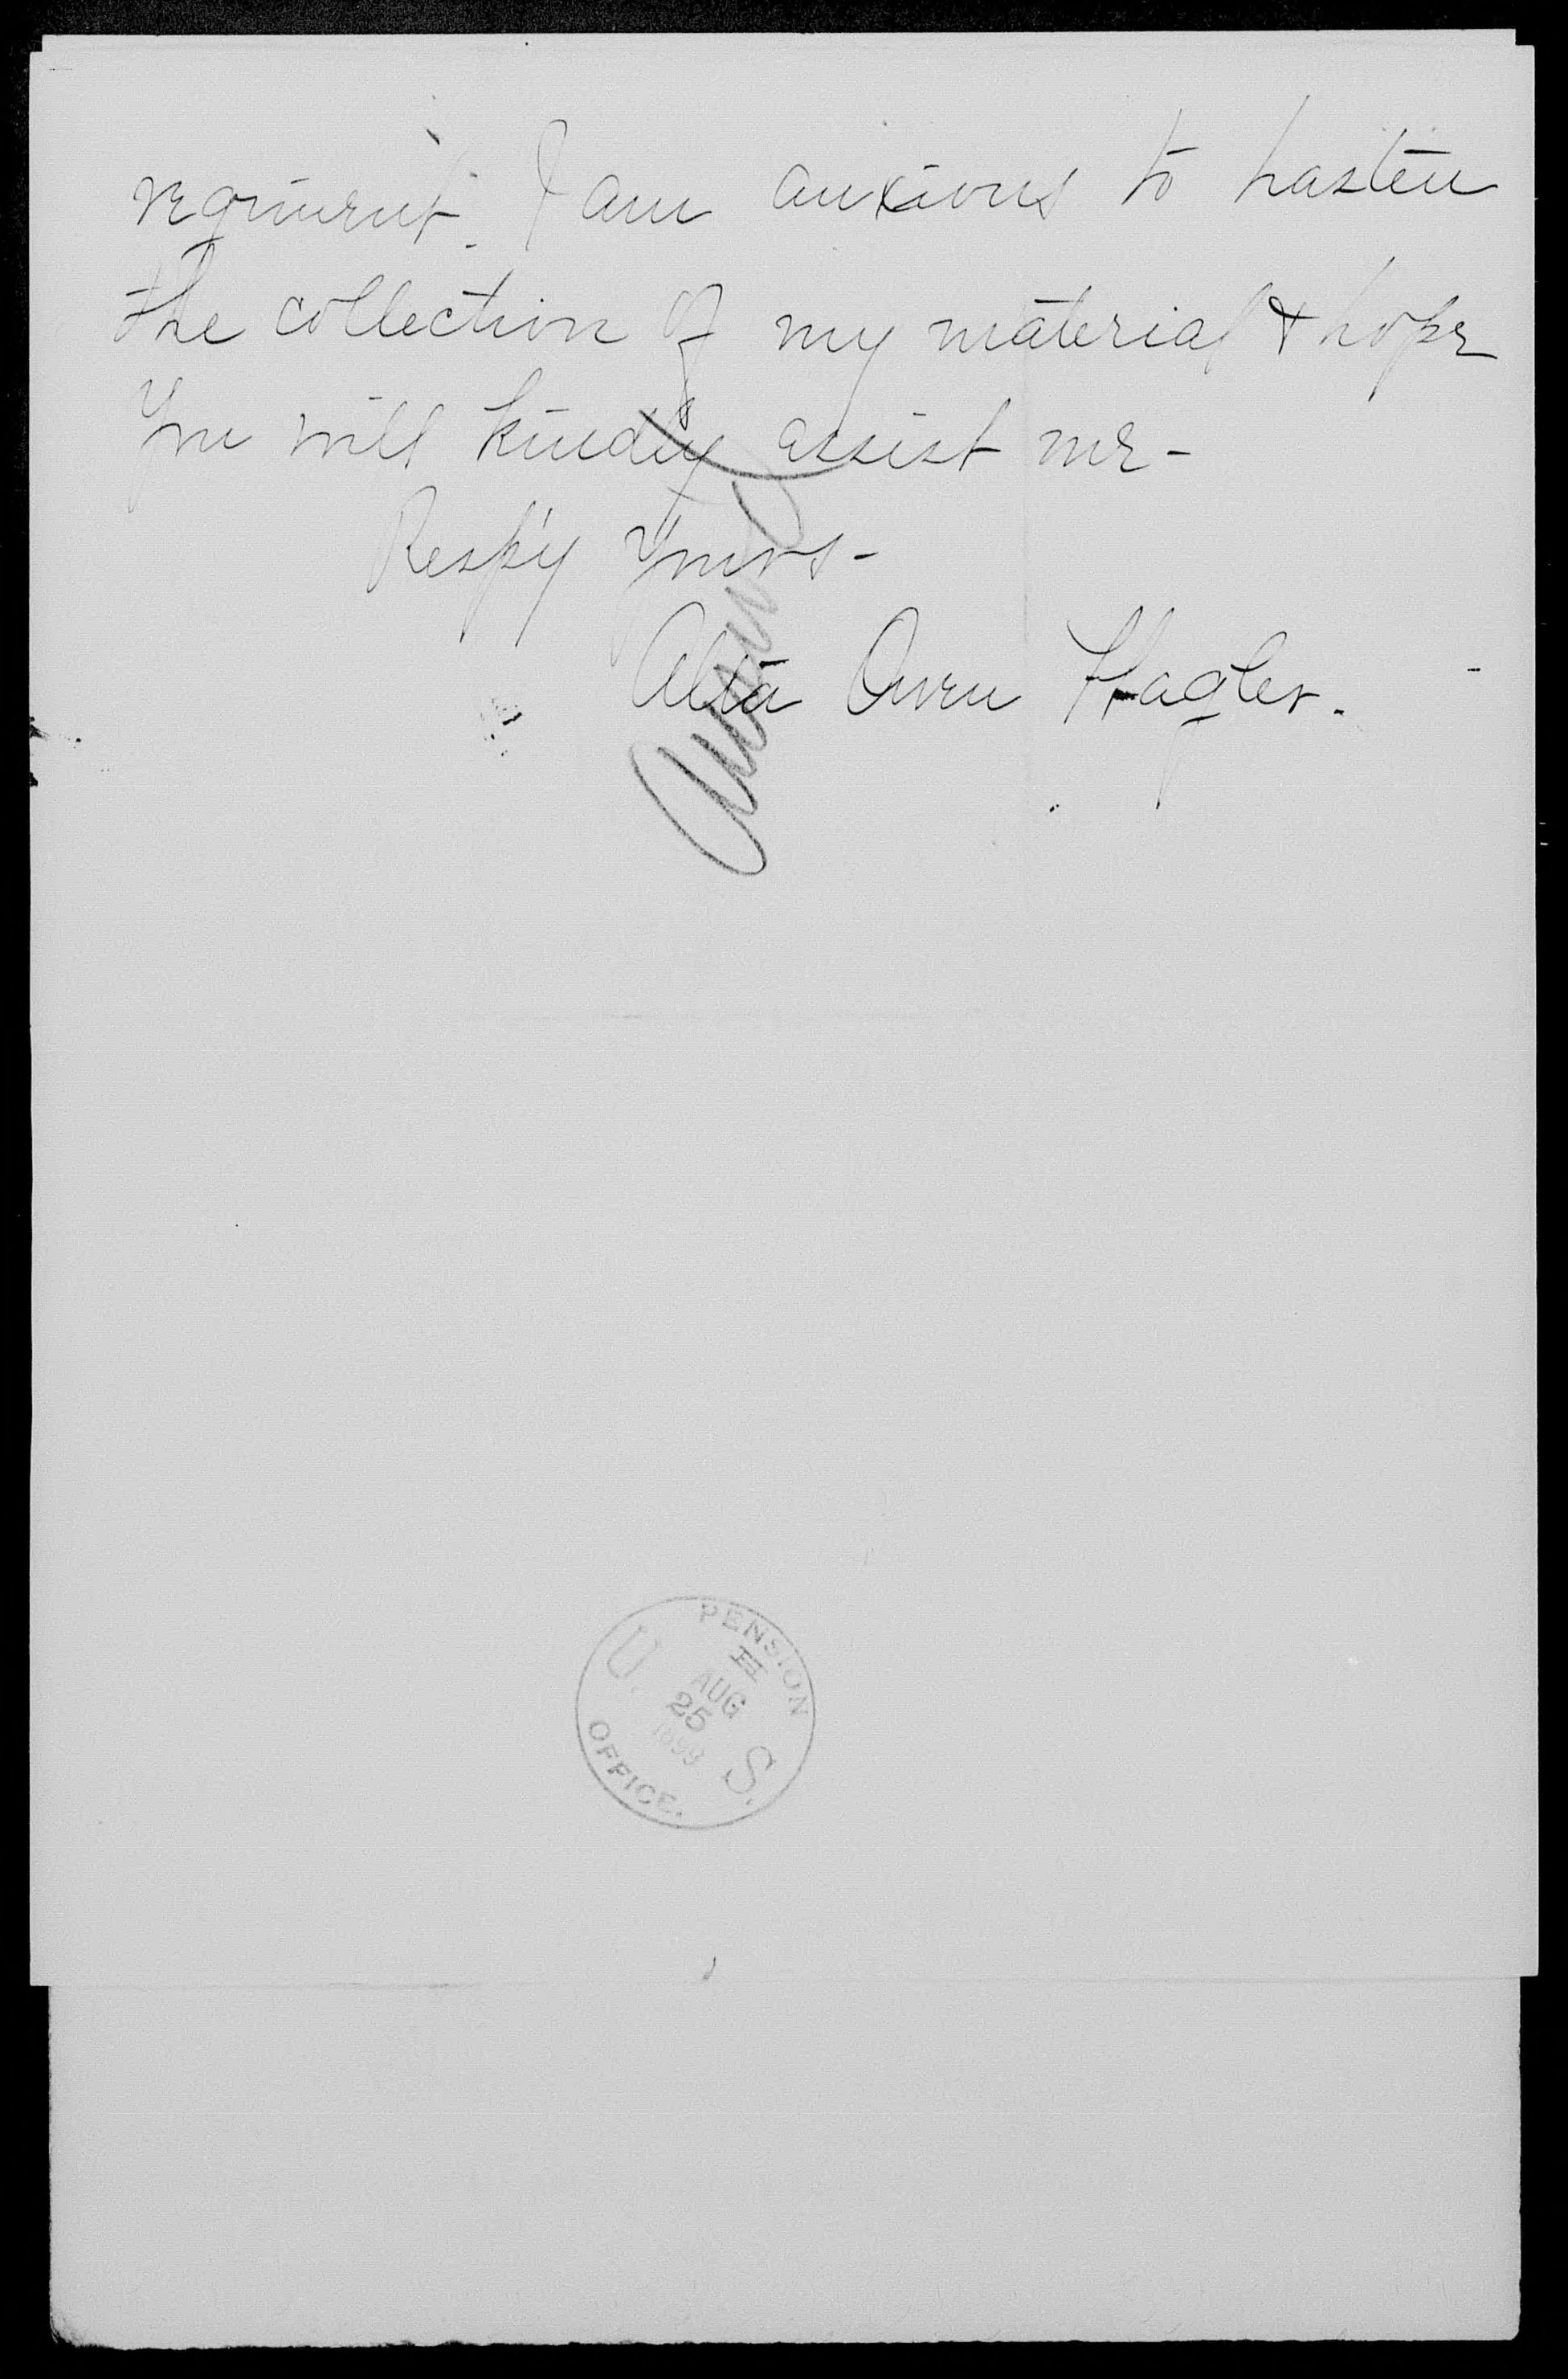Regiment. I am anxious to hasten the collection of my material & hope you will kindly assist me.
Resp'y yours,
Alta Owen Flagler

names: Owen Hagler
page: 55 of 61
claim: widow's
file: W. 4.124, Luther Barney, Conn. Privateer.